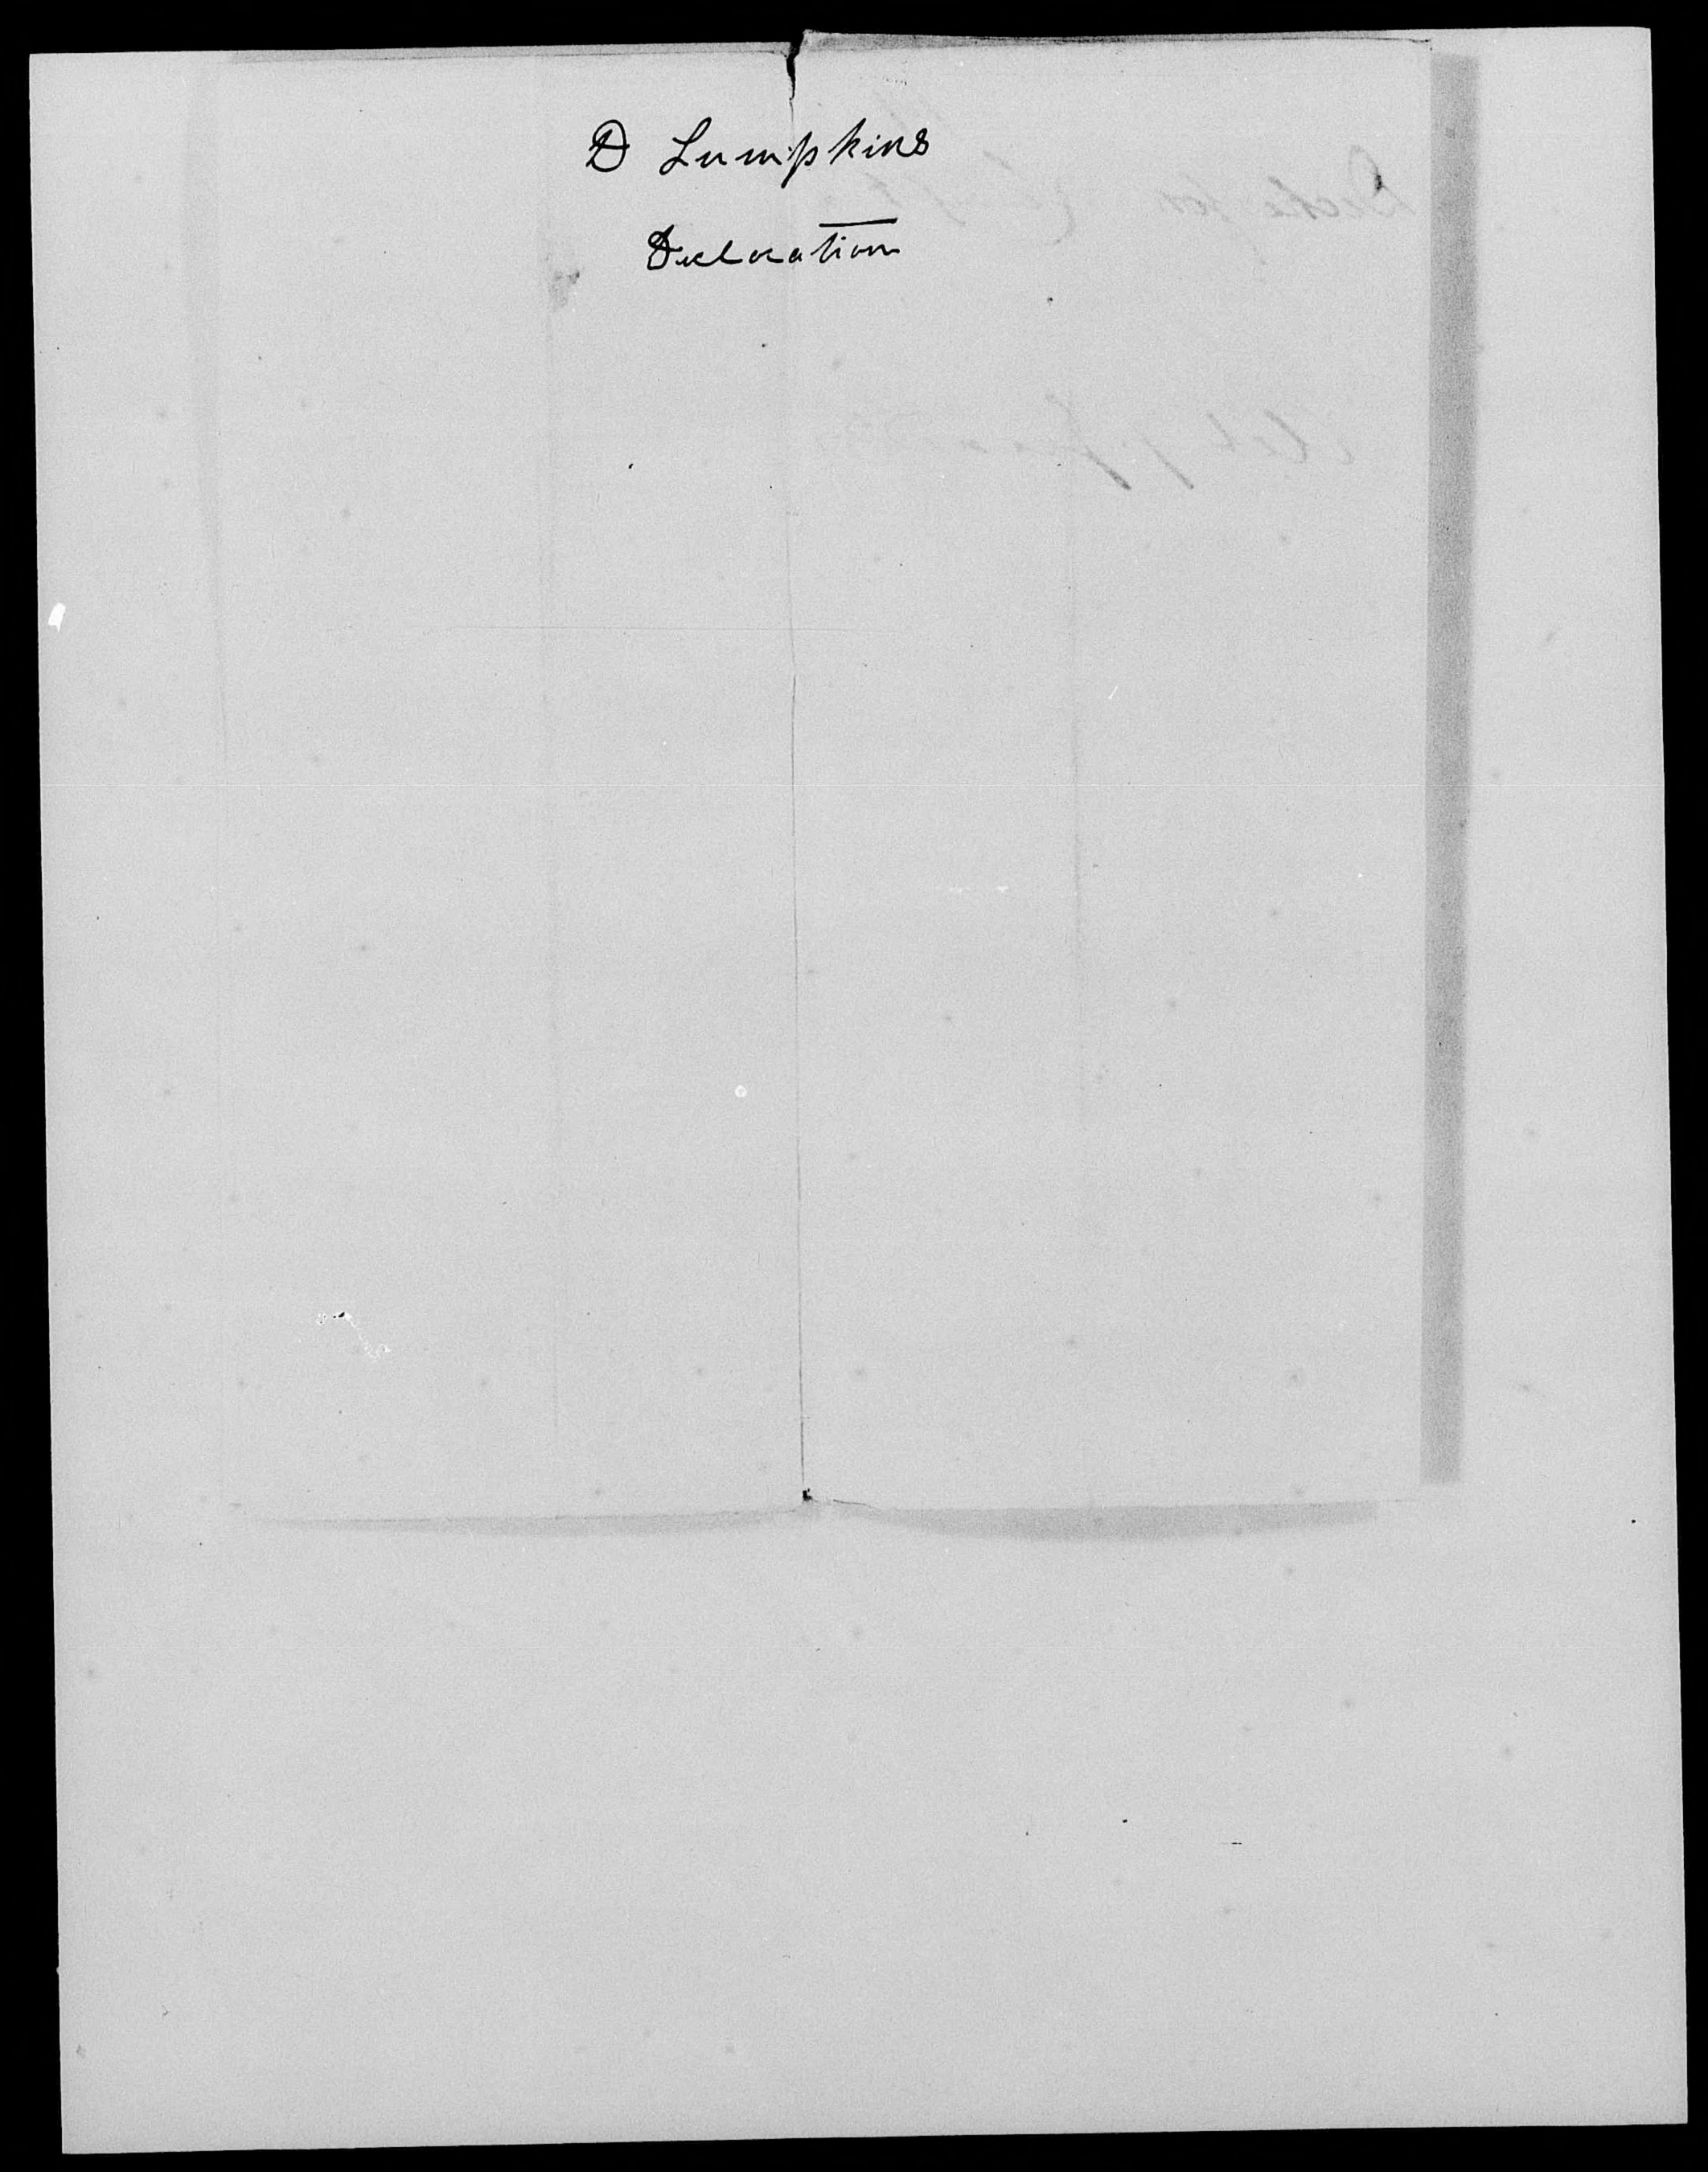(Handwritten document)

D Lumpkins
Declaration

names: D Lumpkins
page: 26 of 37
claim: rejected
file: R. 6521, for Dickeson Lumpkin, Pennsylvania